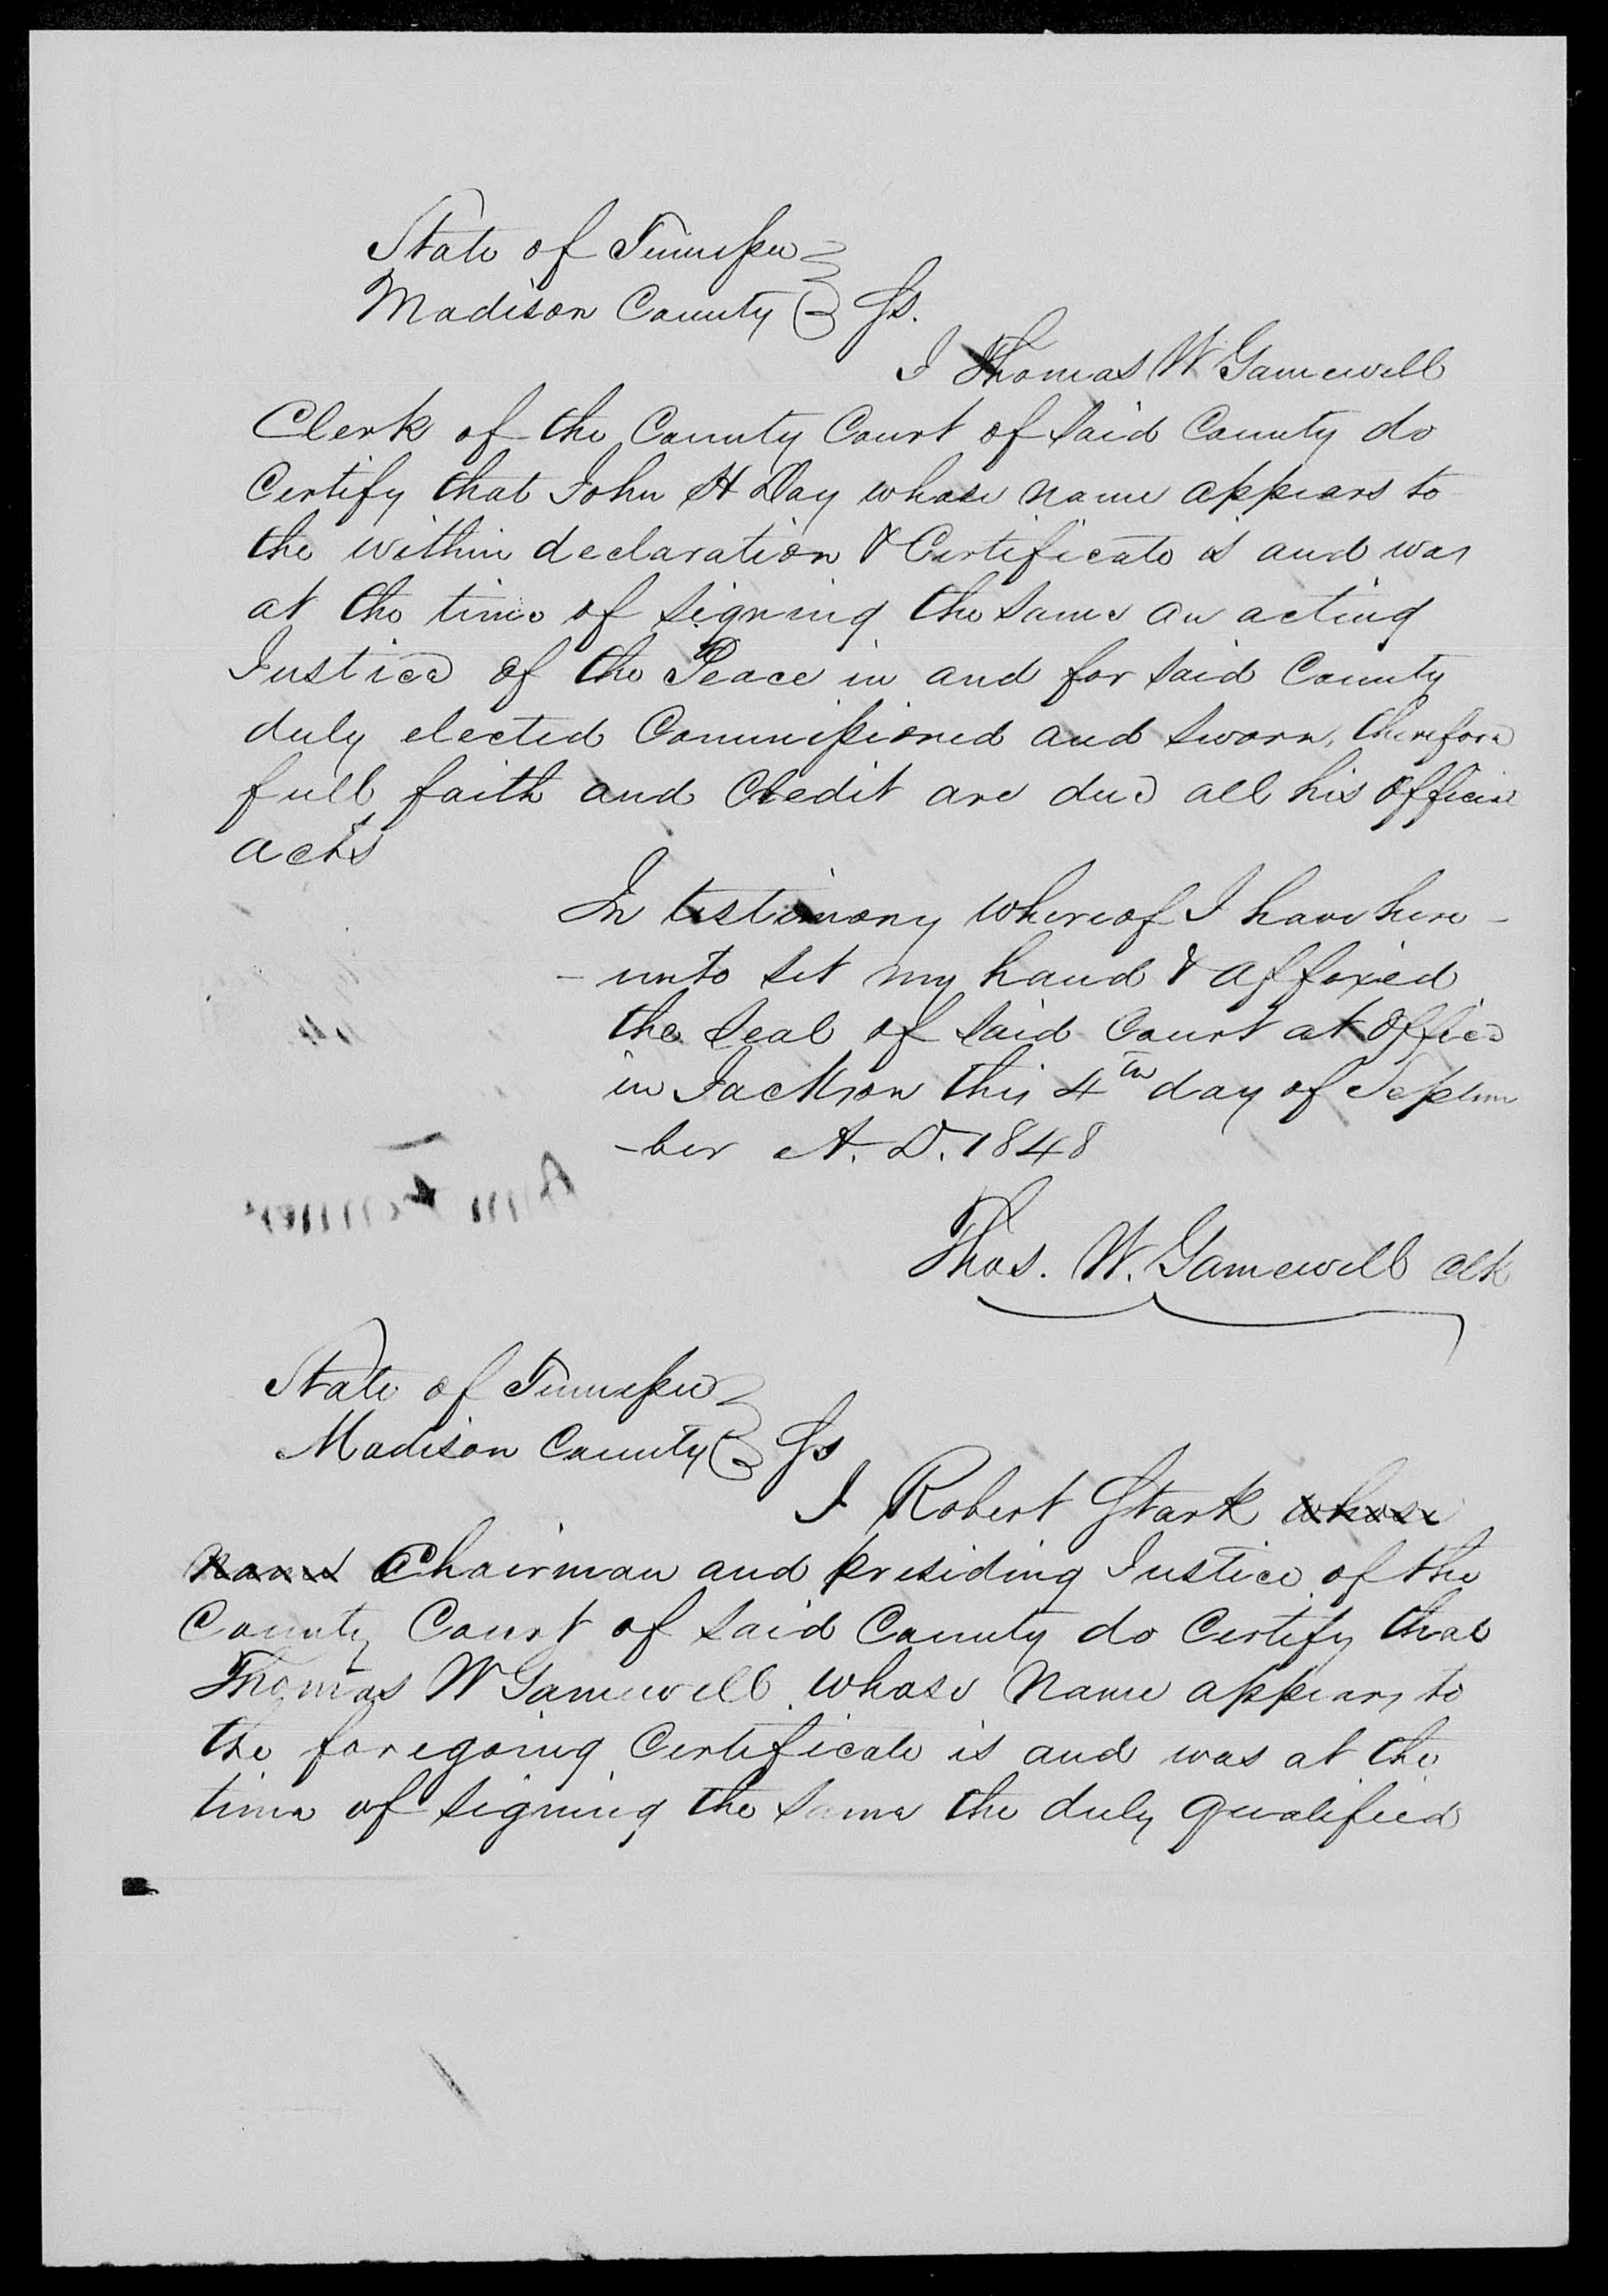State of Tennessee
Madison County gls

I thomas W. Gamewell Clerk of the County Court of Said County do Certify that John H. Day whose name appears to the within declaration and Certificate is and was at the time of the signing the Same an acting Justice of the Peace in and for said County duly elected Commissioned and Sworn, therefore full faith and credit are due all his official acts.

In testimony where of I have here unto set my hand and affixed theSeal of Said Court at  office in Jackson this 4th day of September A. D. 1848

Thos. W. Gamewell Clk

State of Tennessee
Madison County gls

I Robert Stark Chairman and presiding Justice of the County Court of Said County do Certify that Thomas W. Gamewell, whose name appears to the foregoing Certificate is and was at the time of signing the Same the duly qualified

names: Thomas W Gamewell, Thos W Gamewell, John H Day, Thomas W Gamewell, Robert Stark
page: 34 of 39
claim: widow's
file: W. 789, Richard Fenner, N.C.